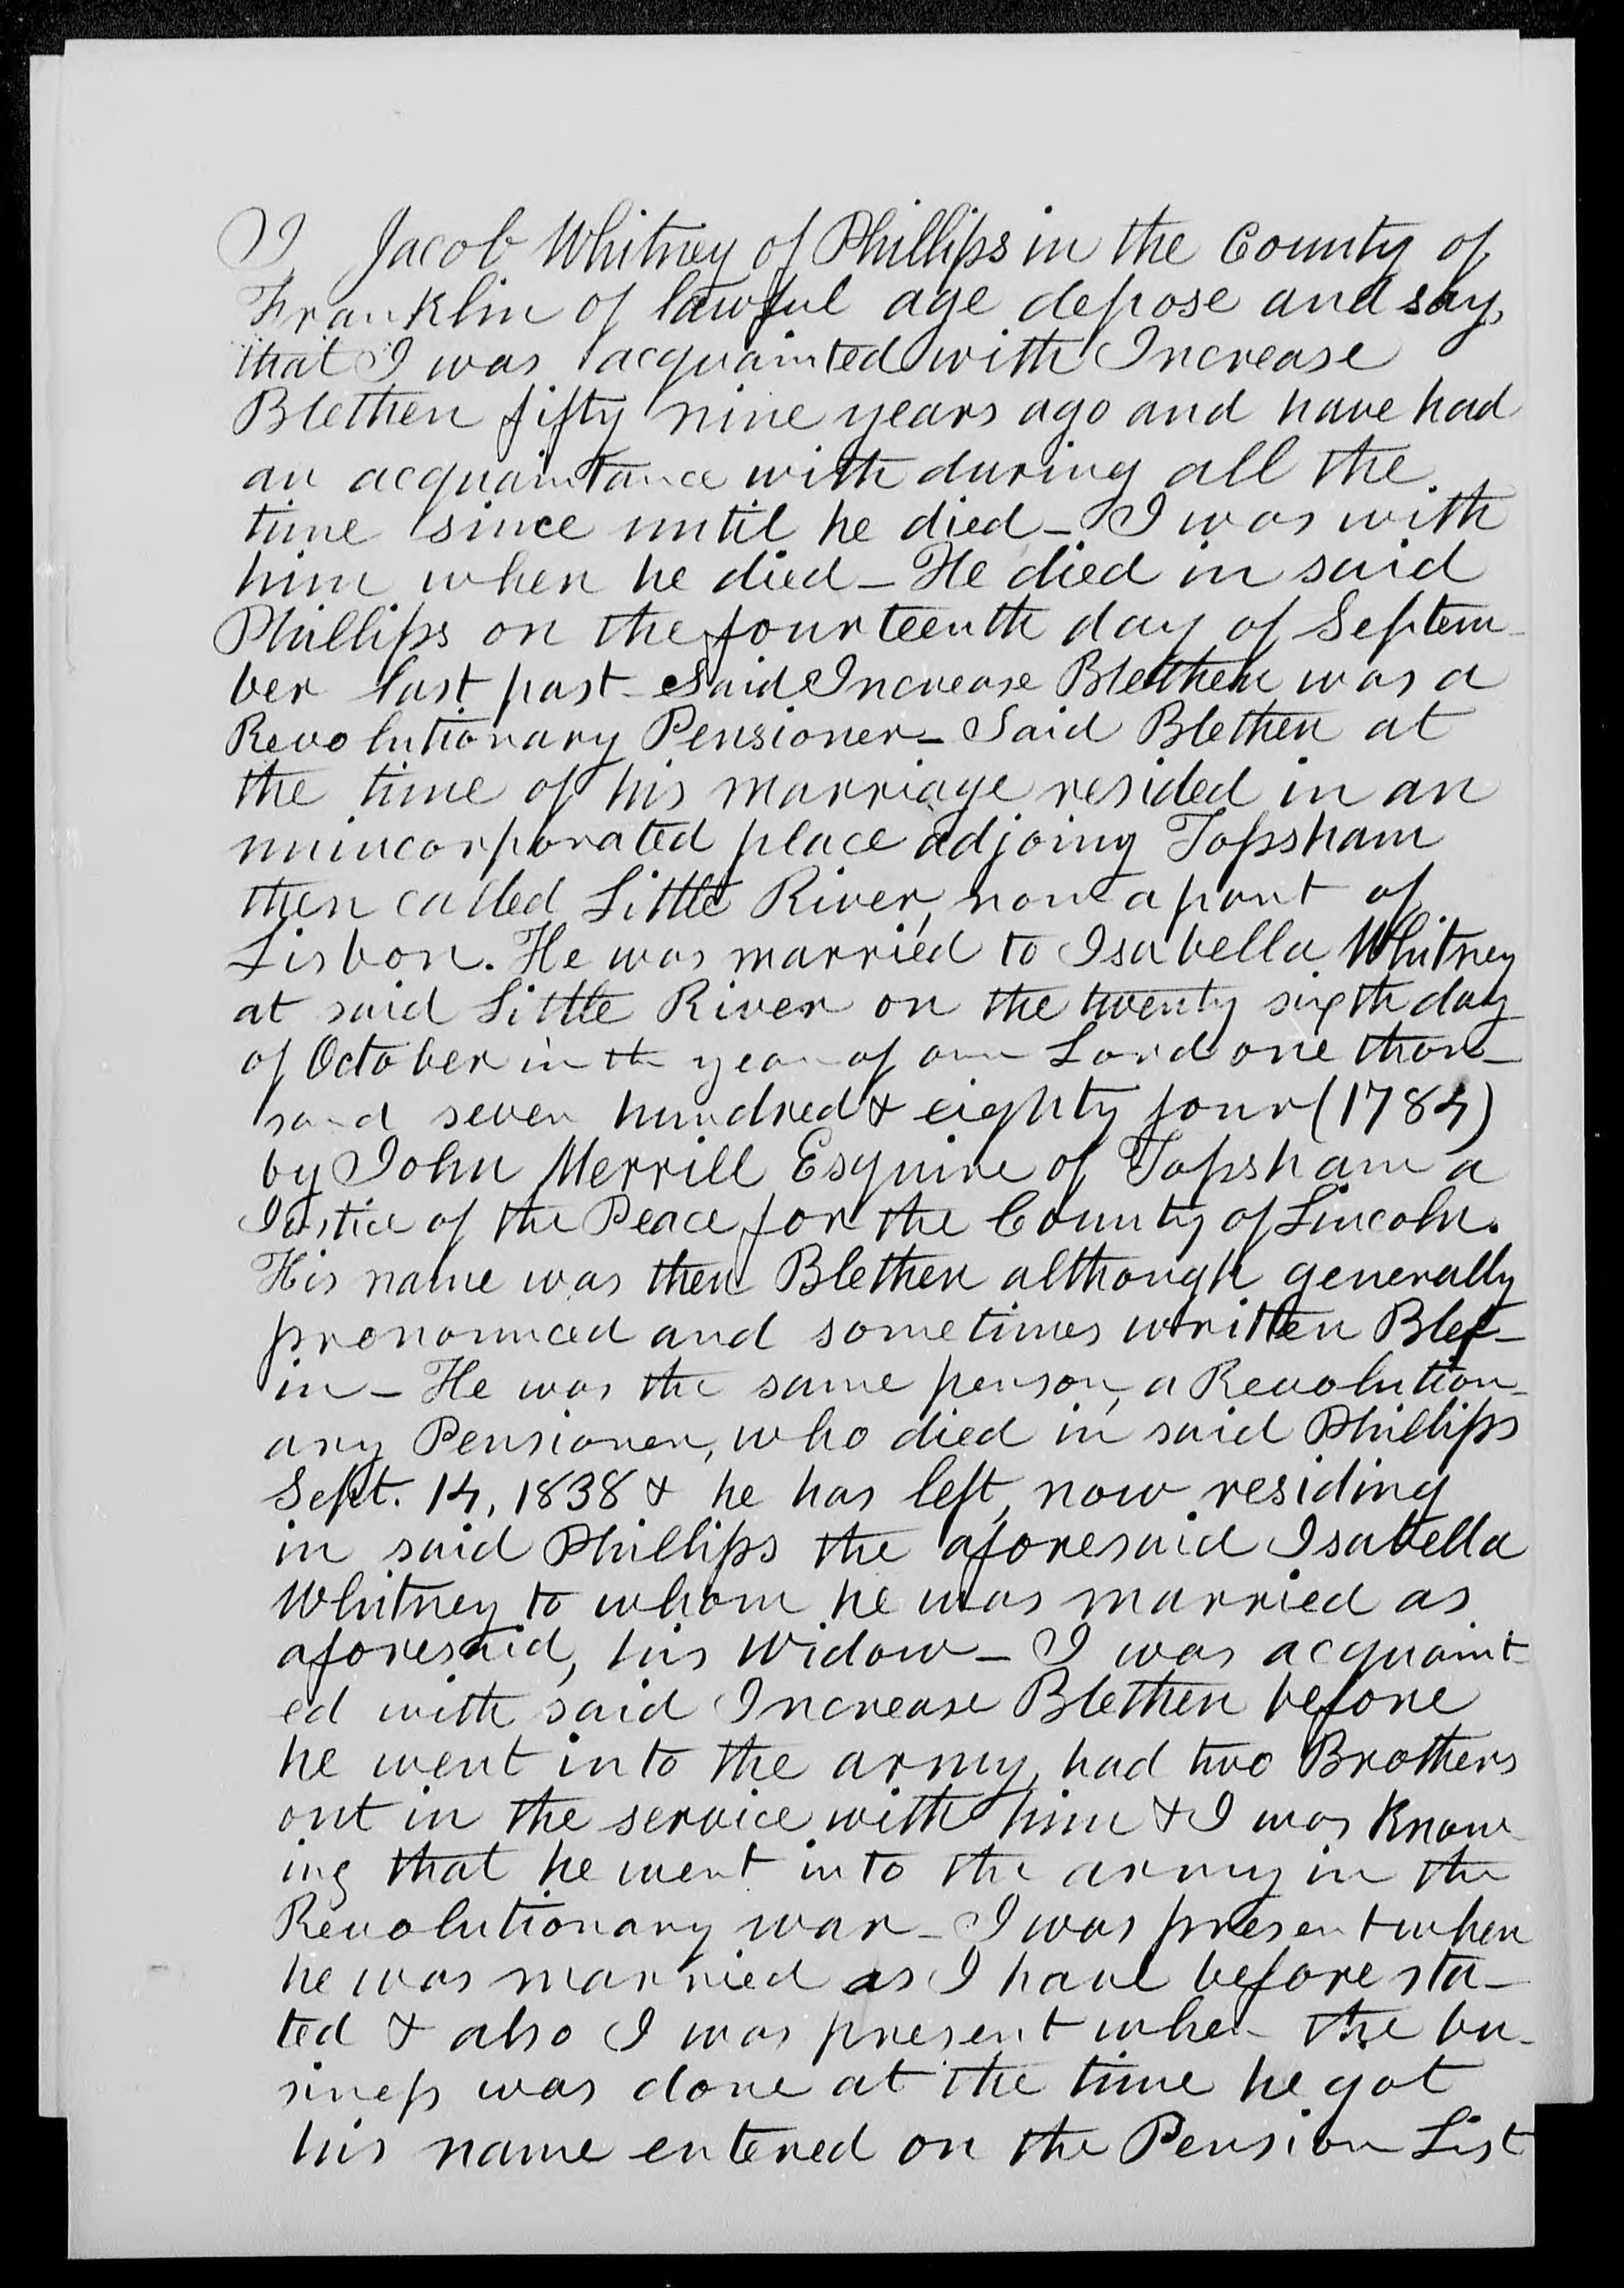I Jacob Whitney of Phillips in the County of
Franklin of lawful age depose and say
that I was acquainted with Increase 
Blethen fifty nine years ago and have had
an acquaintance with during all the 
time since until he died. I was with
him when he died. He died in said
Phillips on the fourteenth day of September
last past said Increase Blethen was a
Revolutionary Pensioner. Said Blethen at
the time of his marriage resided in an
unincorporated place adjoing  Topsham
then called Little River now a part of
Lisbon. He was married to Isabella Whitney
at said Little River on the Twenty sixth day
of October in the year of our Lord one thousand
seven hundred & eighty four (1784)
by John Merrill Esquire of Topsham a
Justice of the Peace for the County of Lincoln.
His name was then Blethen although generally
pronounced and sometimes written Blefin.
He was the same person a Revolutionary
Pensioner who died in said Phillips
Sept. 14. 1838 & he was left now residing
in said Phillips the aforesaid Isabella
Whitney to whom he was married as
aforesaid, his widow. I was acquainted
with said Increase Blethen before
he went into the army, had two Brothers
out in the service with him & I was knowing
that he went into the army in the
Revolutionary war. I was present when
he was married as I had before stated 
& also I was present when the 
business was done at the time he got
his name entered on the Pension List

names: John Merrill, Blethen, Isabella Whitney, Increase Blethen, Increase Blethen, Isabella Whitney, Increase Blethen, Blethen, Jacob Whitney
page: 38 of 39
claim: widow's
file: W. 23,621, Increase Blethen, Mass.